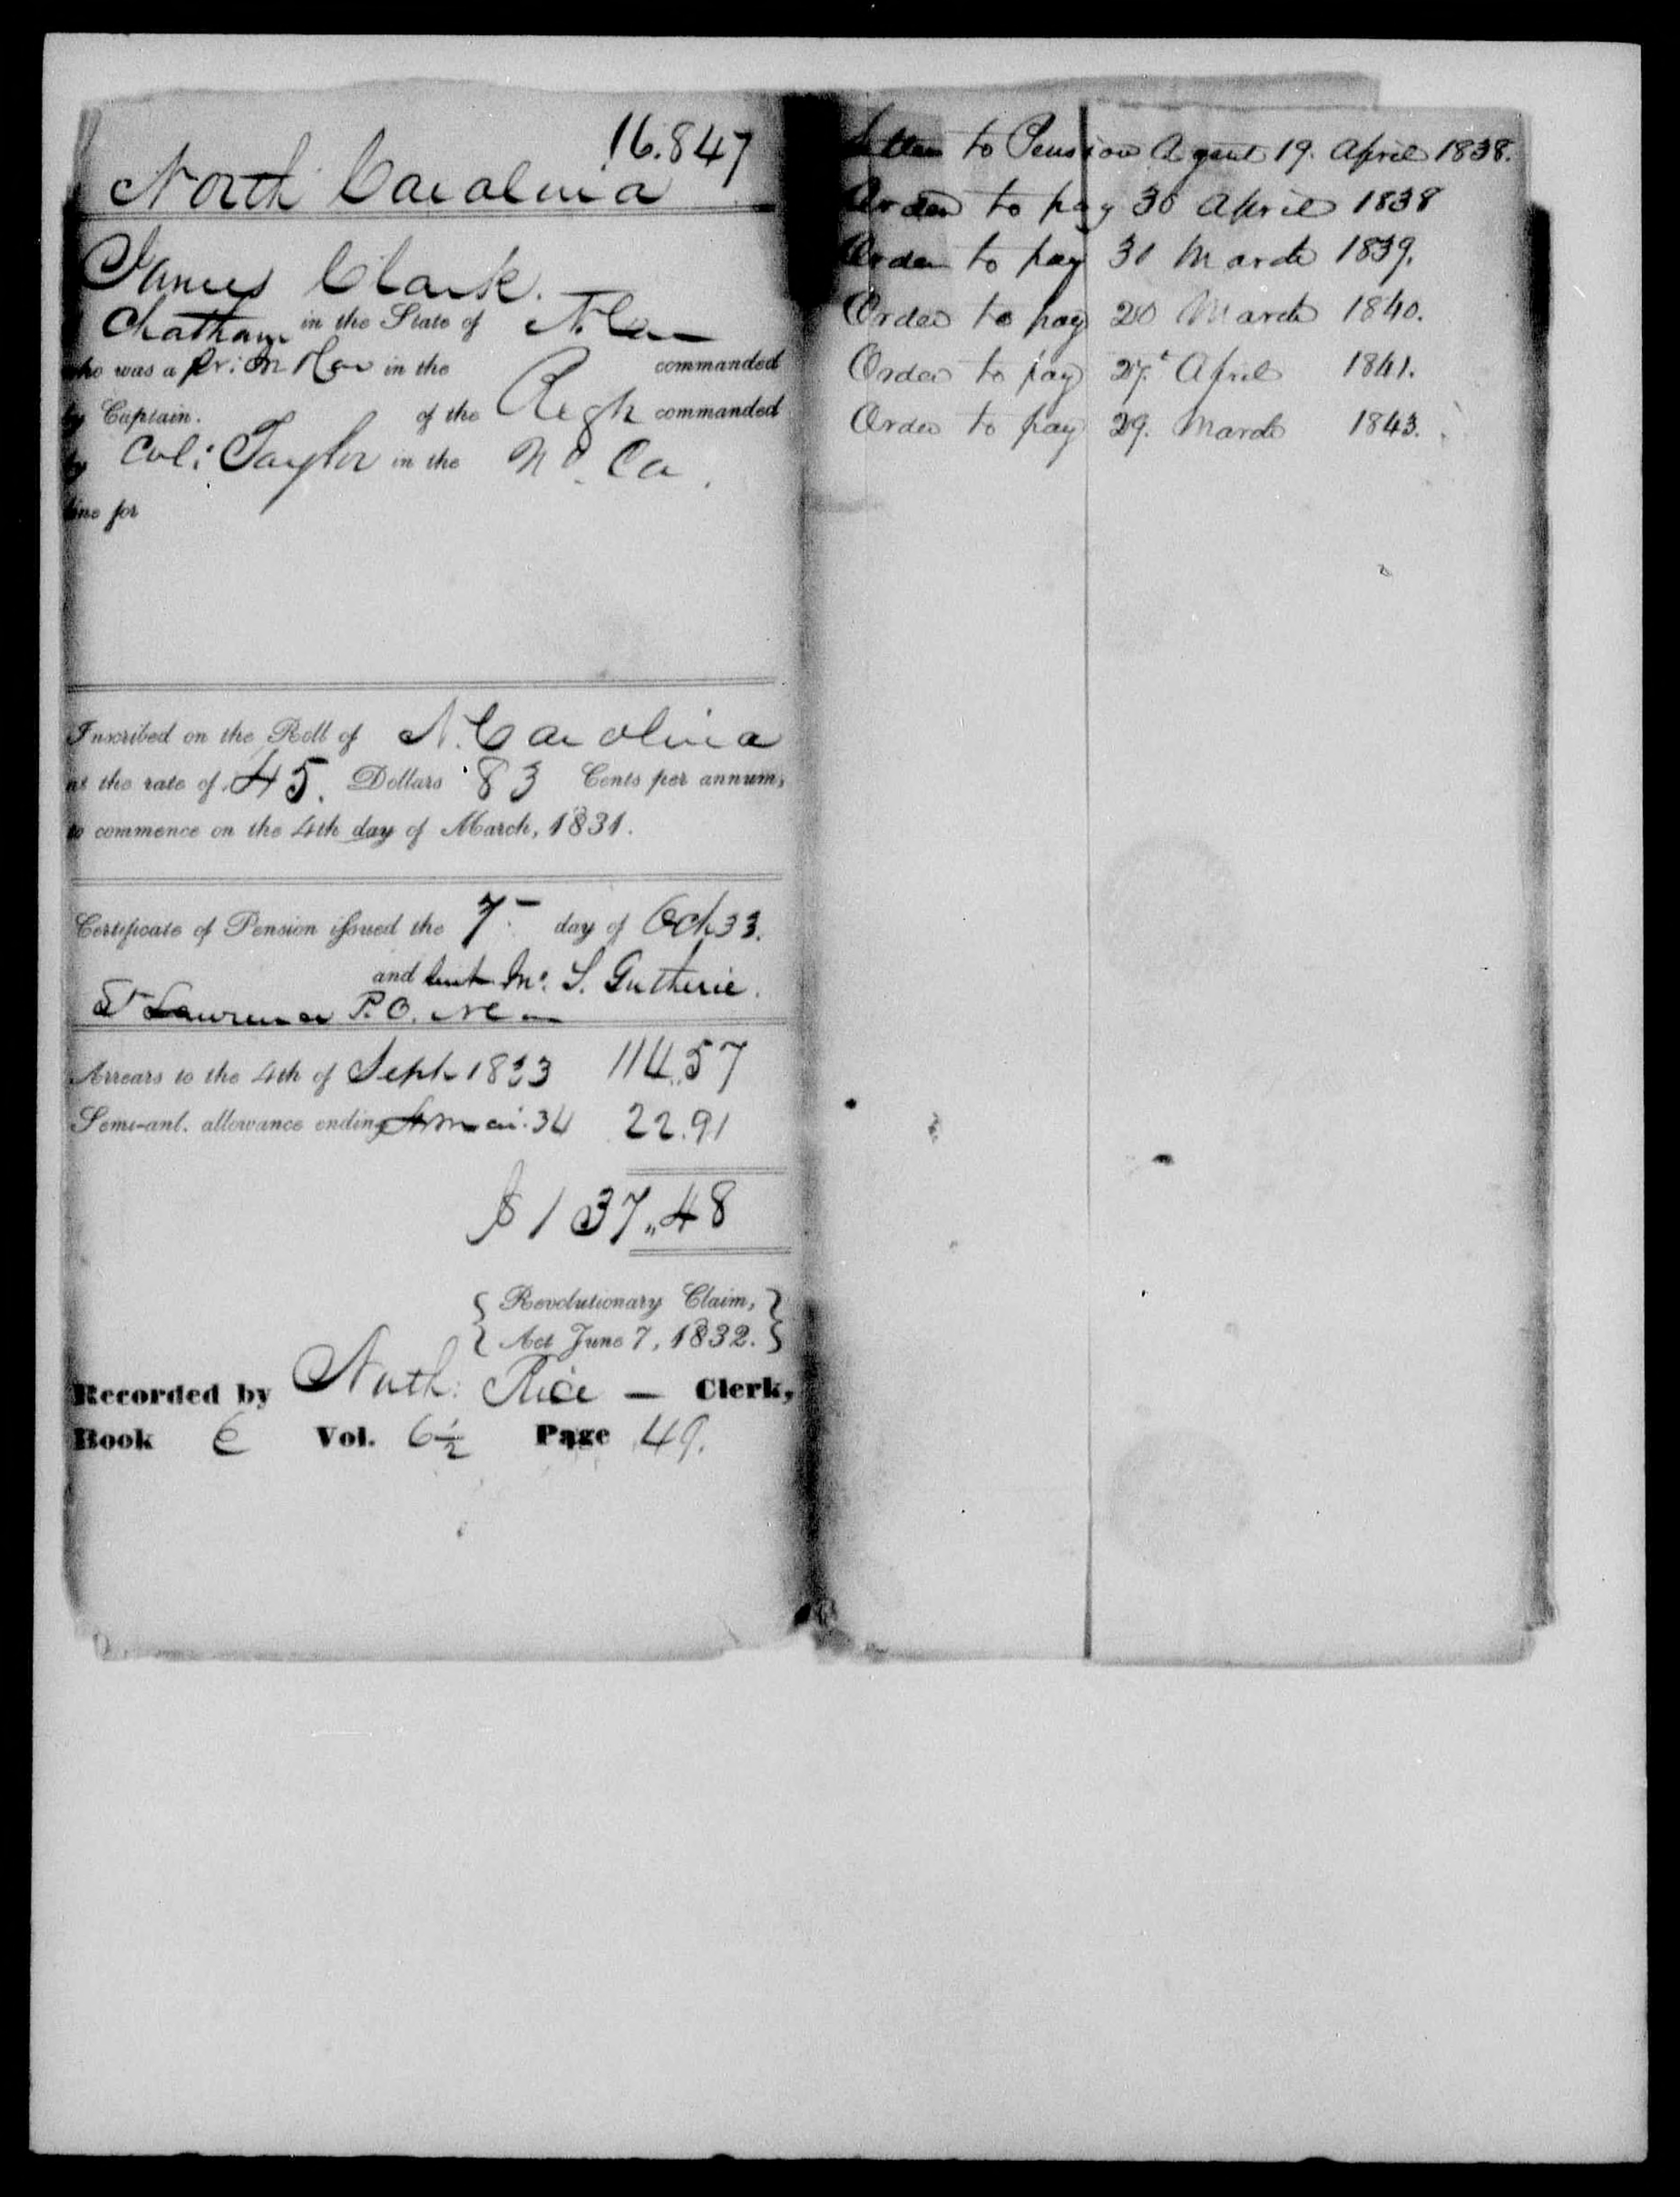[Left Side of Document]
16.847
North Carolina
James Clark
Chatham in the state of N. C
who was a pr [illegible] in the         commanded
by Captain       of the Regn commanded 
by Col: Taylor in the No, Ca.
line for

Inscribed on the Roll of N. Carolina
the rate of 45 Dollars 83 Cents per annum,
to commence on the 4th day of March,1831.

Certificate of Pension issued the 7 -  day of Oct 33.
and [illegible] In: L. Guthrie
St Lawrence P.O. NC

Arrears to the 4th of Sept 1833 114.57
Semi-anl. allowance ending 4 Mar:34 22.91
$137. 48
{Revolutionary Claim,
{Act June 7, 1832.
Recorded by Nath: Rice - Clerk,
Book 6 Vol. 6½ Page 49.

[Right Side of Document]
Order to Pension Agent 19. April 1838.
Order to pay 30 April 1838
Order to pay 30 March 1839
Order to pay 20 March 1840.
Order to pay 27.t April 1841.
Order to pay 29. March 1843.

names: Taylor, Nath Rice, Jno S Gutherie, James Clark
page: 2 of 16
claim: survivor's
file: S. 8207, James Clark, N.C.